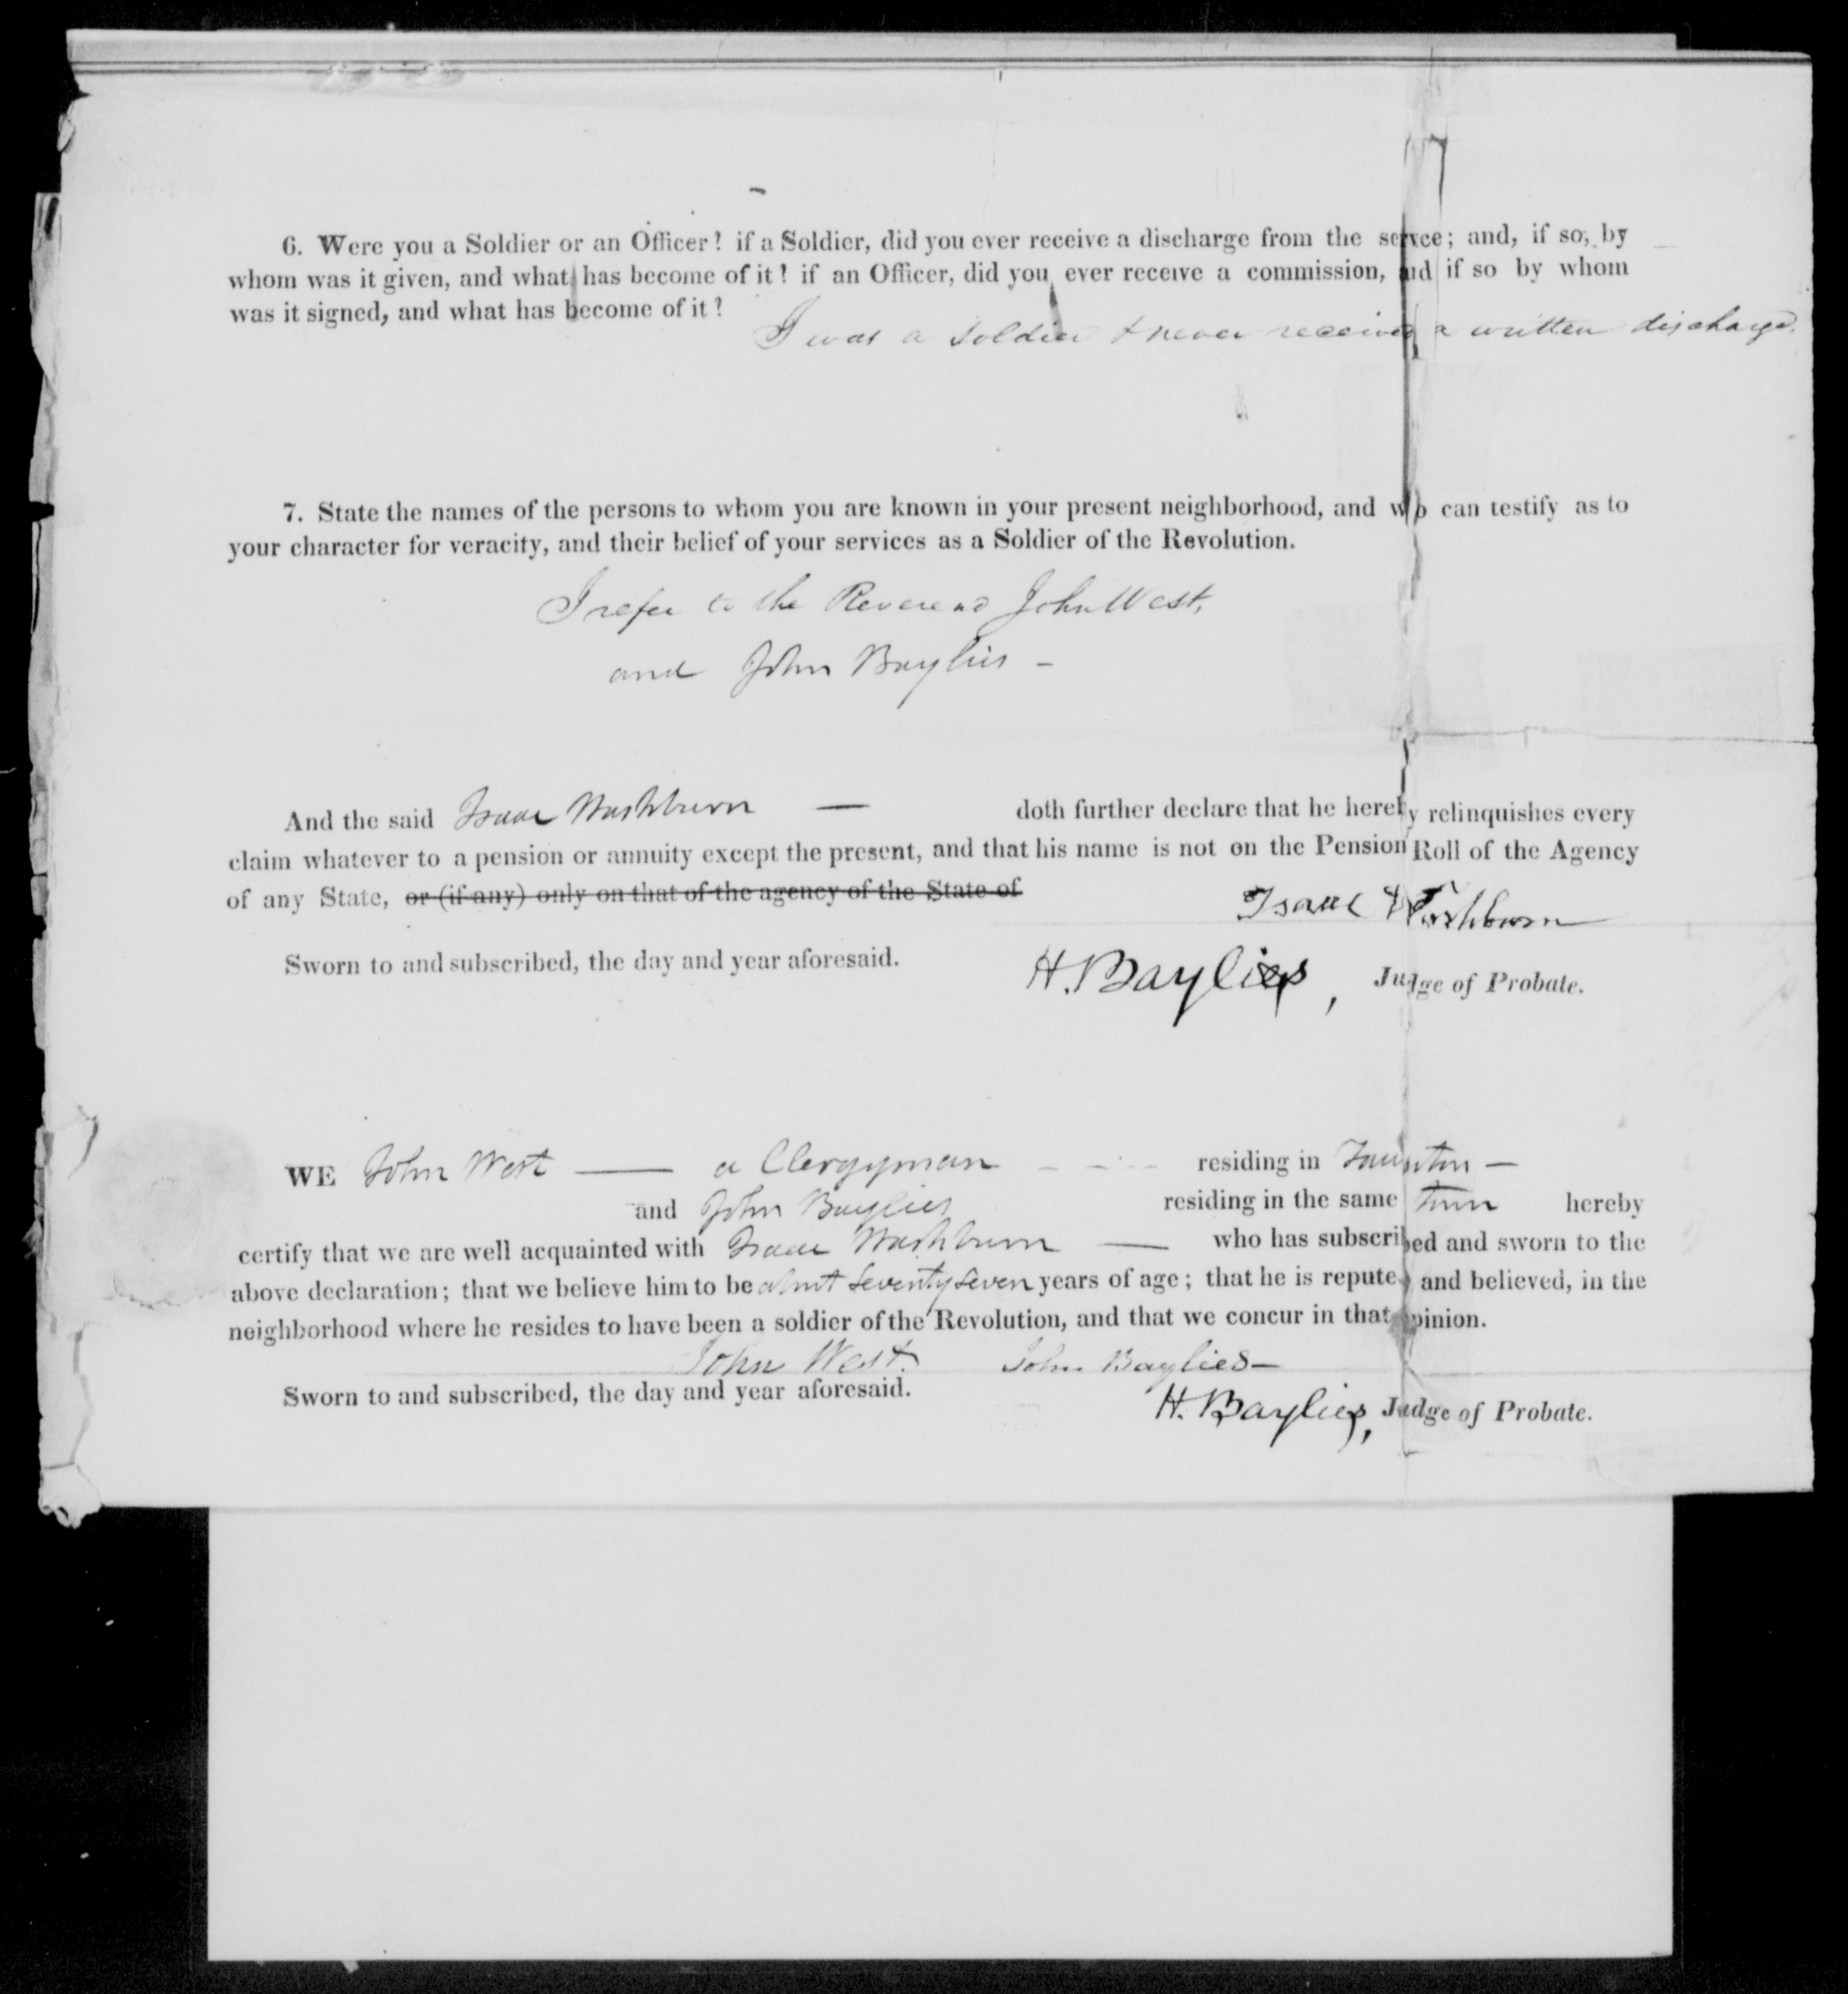6. Were you a Soldier or an Officer? if a Soldier, did you ever receive a discharge from the service; and, if so by whom was it given, and what has become of it ? if an Officer, did you ever receive a commission, and if so by whom was it signed, and what has become of it ?
  I was a soldier & never received a written discharge 

7. State the names of the persons to whom you are known in your present neighborhood, and who can testify as to your character for veracity, and their belief of your services as a Soldier of the Revolution.
  I refer to the Reverend John West, and John Baylies

And th said Isaac Washburn ditch further declare that he hereby relinquishes every claim whatever to a pension or annuity except the present, and that his name is not on the Pension Roll of the Agency of any State, [“or (if any) only on that of the agency of the State of’’ is crossed out]
                Isaac Washburn

Sworn to and subscribed, the day and year aforesaid.
                H. Baylies,  Judge of Probate.

  We John West a Clergyman residing in Taunton and John Baylies residing in the same town hereby certify that we are well acquainted with Isaac Washburn who has subscribed and sworn to the above declaration; that we believe him to be about seventy seven years of age; that he is reputed and believed, in the neighborhood where he resides to have been a soldier of the Revolution, and that we concur in that opinion.
     John West.             John Baylies
Sworn to and subscribed, the day and year aforesaid.
 
   H. Baylies, Judge of Probate.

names: Isaac Washburn, John Baylies, H Baylies, John West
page: 17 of 34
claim: widow's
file: W. 1677, Isaac Washburn, Mass.